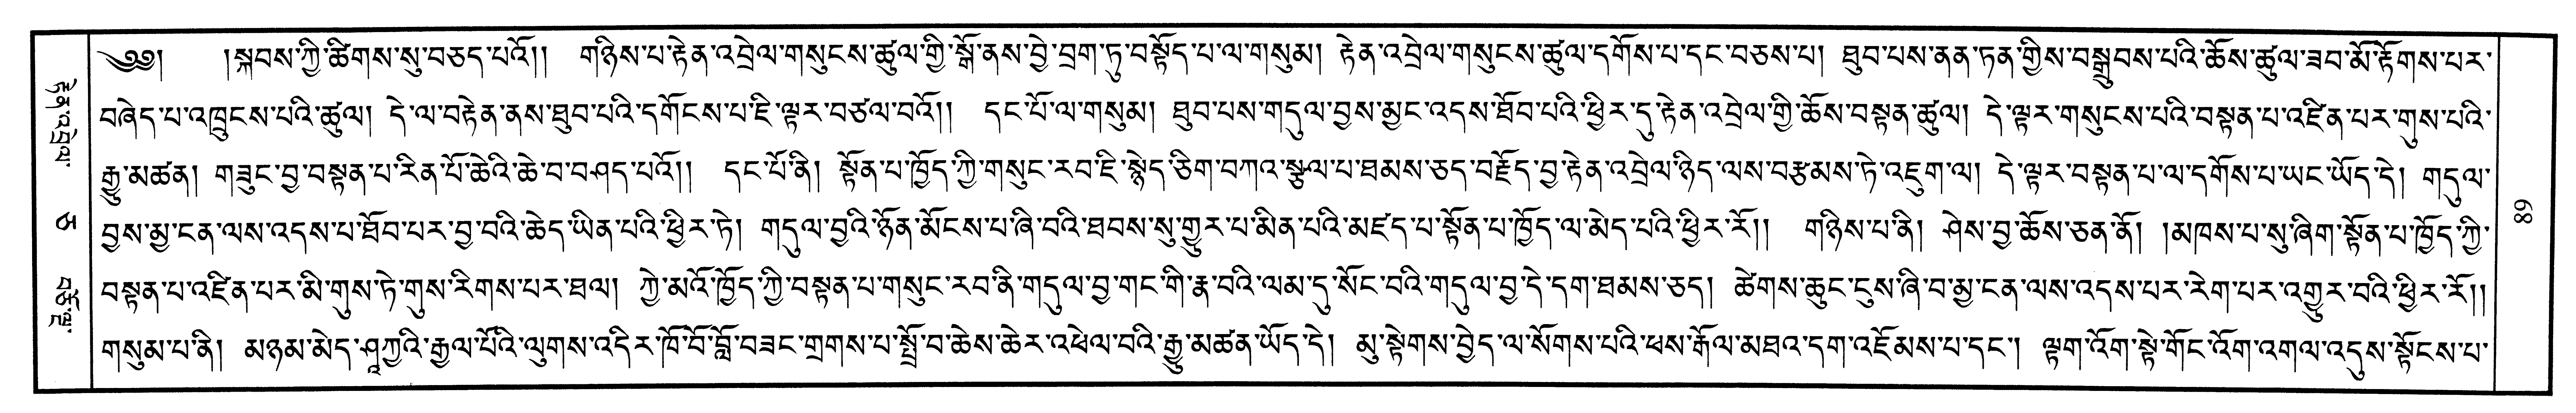༄༅། །སྐབས་ཀྱི་ཚིགས་སུ་བཅད་པའོ།། གཉིས་པ་རྟེན་འབྲེལ་གསུངས་ཚུལ་གྱི་སྒོ་ནས་བྱེ་བྲག་ཏུ་བསྟོད་པ་ལ་གསུམ། རྟེན་འབྲེལ་གསུངས་ཚུལ་དགོས་པ་དང་བཅས་པ། ཐུབ་པས་ནན་ཏན་གྱིས་བསྒྲུབས་པའི་ཆོས་ཚུལ་ཟབ་མོ་རྟོགས་པར་
བཞེད་པ་འཁྲུངས་པའི་ཚུལ། དེ་ལ་བརྟེན་ནས་ཐུབ་པའི་དགོངས་པ་ཇི་ལྟར་བཙལ་བའོ།། དང་པོ་ལ་གསུམ། ཐུབ་པས་གདུལ་བྱས་མྱང་འདས་ཐོབ་པའི་ཕྱིར་དུ་རྟེན་འབྲེལ་གྱི་ཆོས་བསྟན་ཚུལ། དེ་ལྟར་གསུངས་པའི་བསྟན་པ་འཛིན་པར་གུས་པའི་
རྒྱུ་མཚན། གཟུང་བྱ་བསྟན་པ་རིན་པོ་ཆེའི་ཆེ་བ་བཤད་པའོ།། དང་པོ་ནི། སྟོན་པ་ཁྱོད་ཀྱི་གསུང་རབ་ཇི་སྙེད་ཅིག་བཀའ་སྩལ་པ་ཐམས་ཅད་བརྗོད་བྱ་རྟེན་འབྲེལ་ཉིད་ལས་བརྩམས་ཏེ་འཇུག་ལ། དེ་ལྟར་བསྟན་པ་ལ་དགོས་པ་ཡང་ཡོད་དེ། གདུལ་
བྱས་མྱ་ངན་ལས་འདས་པ་ཐོབ་པར་བྱ་བའི་ཆེད་ཡིན་པའི་ཕྱིར་ཏེ། གདུལ་བྱའི་ཉོན་མོངས་པ་ཞི་བའི་ཐབས་སུ་གྱུར་པ་མིན་པའི་མཛད་པ་སྟོན་པ་ཁྱོད་ལ་མེད་པའི་ཕྱིར་རོ།། གཉིས་པ་ནི། ཤེས་བྱ་ཆོས་ཅན་ནོ། །མཁས་པ་སུ་ཞིག་སྟོན་པ་ཁྱོད་ཀྱི་
བསྟན་པ་འཛིན་པར་མི་གུས་ཏེ་གུས་རིགས་པར་ཐལ། ཀྱེ་མའོ་ཁྱོད་ཀྱི་བསྟན་པ་གསུང་རབ་ནི་གདུལ་བྱ་གང་གི་རྣ་བའི་ལམ་དུ་སོང་བའི་གདུལ་བྱ་དེ་དག་ཐམས་ཅད། ཚེགས་ཆུང་ངུས་ཞེ་བ་མྱ་ངན་ལས་འདས་པར་རེག་པར་འགྱུར་བའི་ཕྱིར་རོ།།
གསུམ་པ་ནི། མཉམ་མེད་ཤཱཀྱའི་རྒྱལ་པོའི་ལུགས་འདིར་ཁོ་བོ་བློ་བཟང་གྲགས་པ་སྤྲོ་བ་ཆེས་ཆེར་འཕེལ་བའི་རྒྱུ་མཚན་ཡོད་དེ། མུ་སྟེགས་བྱེད་ལ་སོགས་པའི་ཕས་རྒོལ་མཐའ་དག་འཇོམས་པ་དང་། ལྟག་འོག་སྟེ་གོང་འོག་འགལ་འདུས་སྟོངས་པ་